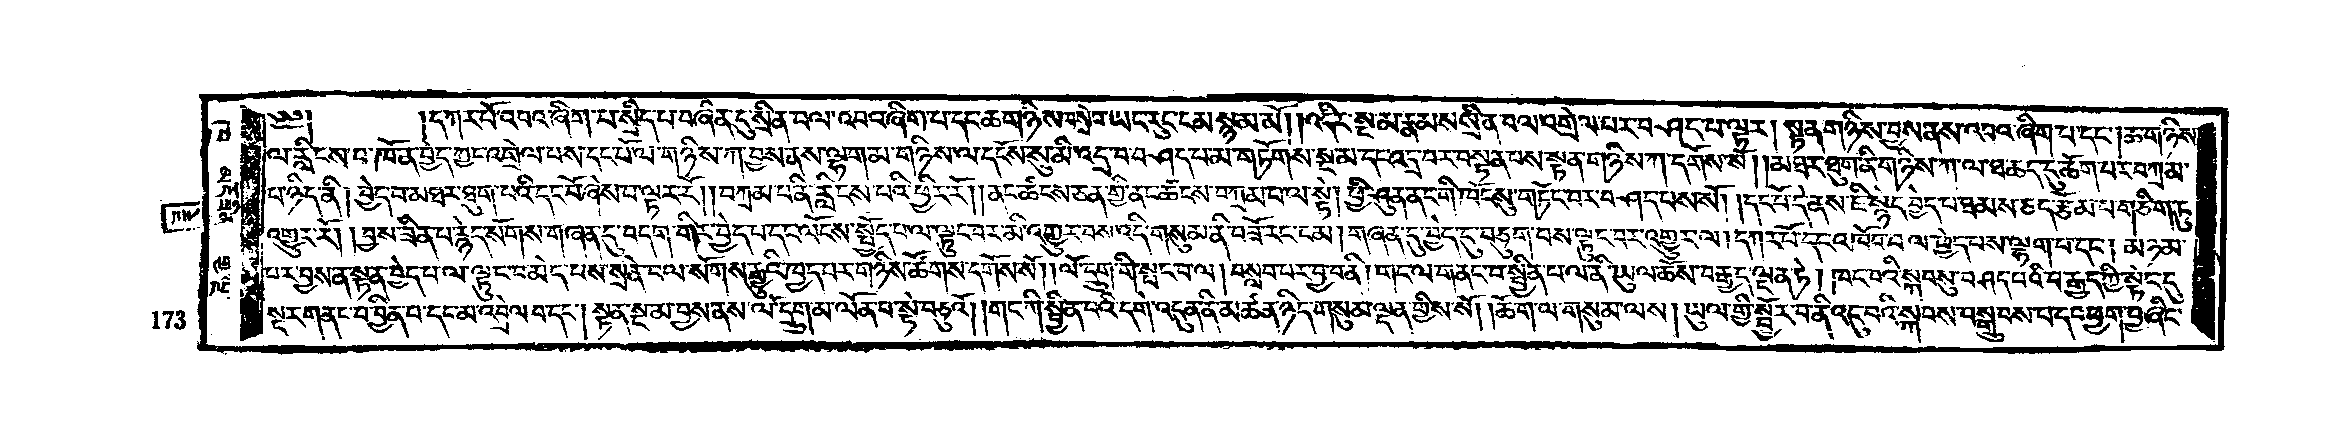༄༅། །དཀར་པོ་འབའ་ཞིག་པ་སྲིད་པ་བཞིན་དུ་སྲིན་བལ་འབའ་ཞིག་པ་དང་ཆག་ཉིས་བསྲེབ་ཡང་རུང་ངམ་སྙམ་མོ། །འདིར་སྔ་མ་རྣམས་སྲིན་བལ་འགྲེལ་པར་བཤད་པ་ལྟར། སྟན་གཉིས་བྱས་ནས་འབའ་ཞིག་པ་དང་། ཆ་གཉིས་
ལ་རླིངས་པ་ཁོ་ན་བྱེད་ཀྱང་འགྲེལ་པས་དང་པོ་ལ་གཉིས་ཀ་བྱས་ནས་ལྷག་མ་གཉིས་ལ་དངོས་སུ་མི་འདྲ་བ་བཤད་པ་མ་གཏོགས་སྔ་མ་དང་འདྲ་བར་བསྟན་པས་སྟན་གཉིས་ཀ་དགོས་སོ། །མཐར་ཐུག་ནི་གཉིས་ཀ་ལ་ཐ་ཚད་དུ་ཆོག་པར་བཀྲམ་
པ་ཉིད་ནི། བྱེད་པ་མཐར་ཐུག་པའི་དང་པོ་ཞེས་པ་ལྟར་རོ། །བཀྲམ་པ་ནི་རླིངས་པའི་ཕྱིར་རོ། །ནང་ཚངས་ཅན་གྱི་ནང་ཚངས་བཀྲམ་པ་ལ་སྟེ། ཕྱི་ཤུན་ནང་གི་ཁོངས་སུ་གཏོང་བར་བཤད་པས་སོ། །དང་པོ་དེ་ནས་ཇི་སྙེད་བྱེད་པ་ཐམས་ཅད་རྩོམ་པ་གཅིག་ཏུ་
འགྱུར་རོ། །བྱས་ཟིན་པ་རྙེད་སོགས་གཞན་དུ་བདག་གིར་བྱེད་པ་དང་ལོངས་སྤྱོད་པ་ལ་ལྟུང་བར་མི་འགྱུར་བས་འདི་གསུམ་ནི་བཟོ་རང་ངམ། གཞན་དུ་བྱེད་དུ་བཅུག་པས་ལྟུང་བར་འགྱུར་ལ། དཀར་པོ་དང་འཁོབ་པ་ལ་ཕྱེད་པས་ལྷག་པ་དང་། མཉམ་
པར་བྱས་ན་སྟན་བྱེད་པ་ལ་ལྟུང་བ་མེད་པས་སྲེན་བལ་སོགས་རྒྱུའི་ཁྱད་པར་གཉིས་ཚོགས་དགོས་སོ། །ལོ་དྲུག་གི་སྤང་བ་ལ། བསླབ་པར་བྱ་བ་ནི། གང་ལ་གནང་བ་སྦྱིན་པ་ལ་ནི་ཡུལ་ཆོས་བརྒྱད་ལྡན་ཏེ། ཁང་བའི་སྐབས་སུ་བཤད་པའི་བརྒྱད་ཀྱི་སྟེང་དུ་
སྔར་གནང་བ་བྱིན་པ་དང་མ་འབྲེལ་བ་དང་། སྟན་སྔ་མ་བྱས་ནས་ལོ་དྲུག་མ་ལོན་པ་སྟེ་བཅུའོ། །གང་གི་སྦྱིན་པའི་དགེ་འདུན་ནི་མཚན་ཉིད་གསུམ་ལྡན་གྱིས་སོ། །ཆོ་ག་ལ་གསུམ་ལས། ཡུལ་གྱི་སྦྱོར་བ་ནི་འདུ་བའི་སྐབས་བསྒྲུབས་པ་དང་ཕྱག་བྱ་ཞིང་